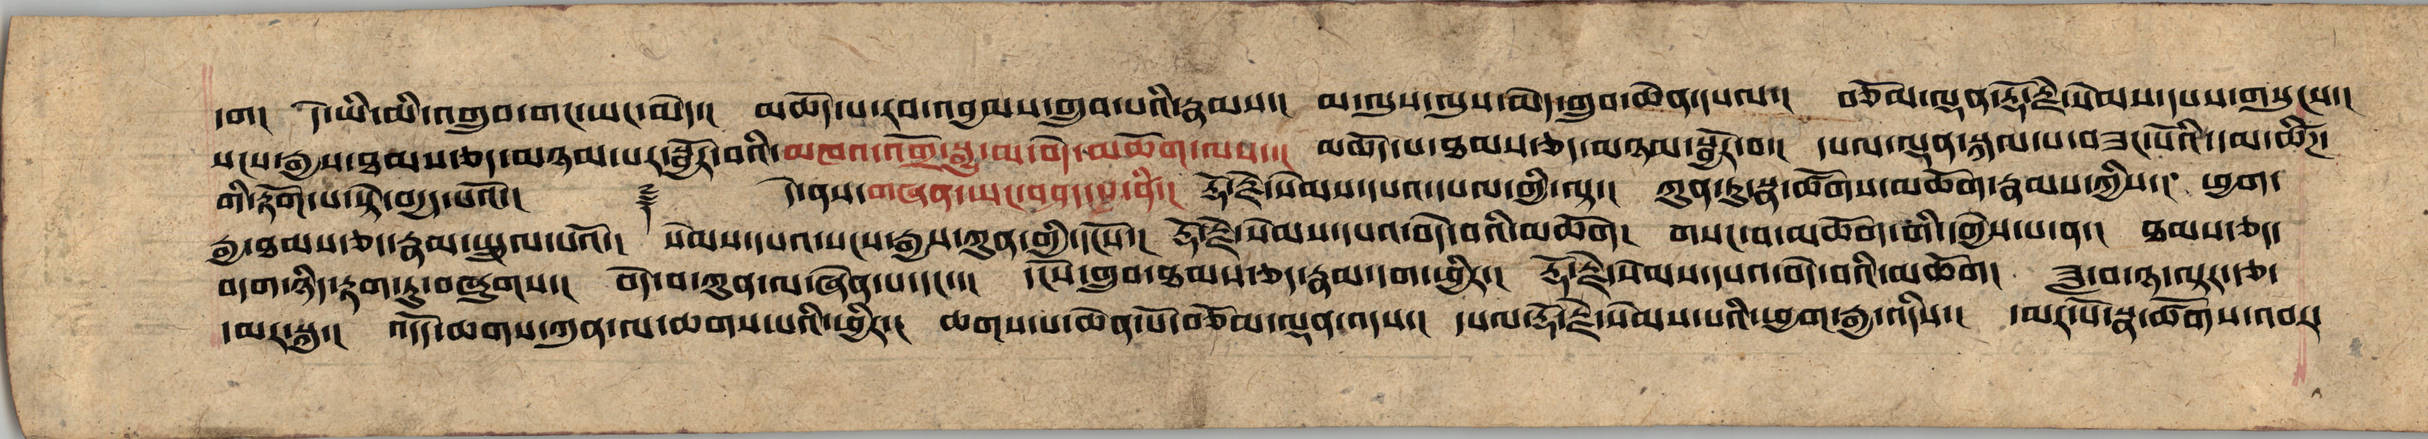དག། དེ་ཡི་མི་འགྲུབ་གང་ཡང་མེད་། མཆོད་པ་རབ་འབྱམས་གྲུབ་པའི་རྣམས་། མ་ལུས་ལུས་མེད་གྲུབ་ཆེན་དཔལ་། བཅོམ་ལྡན་རྡོ་རྗེ་སཻམས་དསས་གསུངས་།
སངས་རྒྱས་ཐམས་ཅད་མཉམ་པར་སྦྱོར་བའི་མཁའ་འགྲོ་སྒྱུ་མ་བདེ་མཆོག་ལས་། མཆོད་པ་ཐམས་ཅད་མཉམ་སྦྱོར་བ་། དཔལ་ལྡན་སྐལ་པ་བཟང་པོའི་དམ་ཚིཌ་
གི་རྟོག་པ་སྟེ་བདྱད་པའོ་། ࿑ དེ་ནས་གཞན་ཡང་བཤད་བྱ་ནི་། རྡོ་རྗེ་སེམས་དཔའ་དཔལ་གྱི་ལྟ་། ཀུན་ཏུ་སྣ་ཚོགས་མཆོག་རྣམས་ཀྱིས་། ཕྱག་
རྒྱ་ཐམས་ཅད་རྣམ་སྤྲུལ་པའོ་། སེམས་དཔའ་སངས་རྒྱས་ཀུན་གྱི་དངོས་། རྡོ་རྗེ་སེམས་དཔའ་བདེ་བའི་མཆོག། གསང་བ་མཆོག་གི་དགྱེས་པ་ན་། ཐམས་ཅད་
བདག་ཉིད་རྟག་ཏུ་བཞུགས་། བདེ་བ་ཀུན་ལ་ཞེན་པ་དང་་། དངོས་གྲུབ་ཐམས་ཅད་རྣམ་དག་ཕྱིར་། རྡོ་རྗེ་སེམས་དཔའ་བདེ་བའི་མཆོག། ཟླ་བ་ཉ་ལྟར་རྩ་
དམར་སྐུ་། འདོད་ཆགས་ཀུན་ལ་ཆགས་པའི་ཕྱིར་། ཆགས་པ་ཆེན་པོ་བཅོམ་ལྡན་འདས་། དཔལ་རྡོ་རྗེ་སེམས་པའི་ཕྱག་རྒྱ་འདིས་། དམར་པོ་སྣ་ཚོགས་འབར་